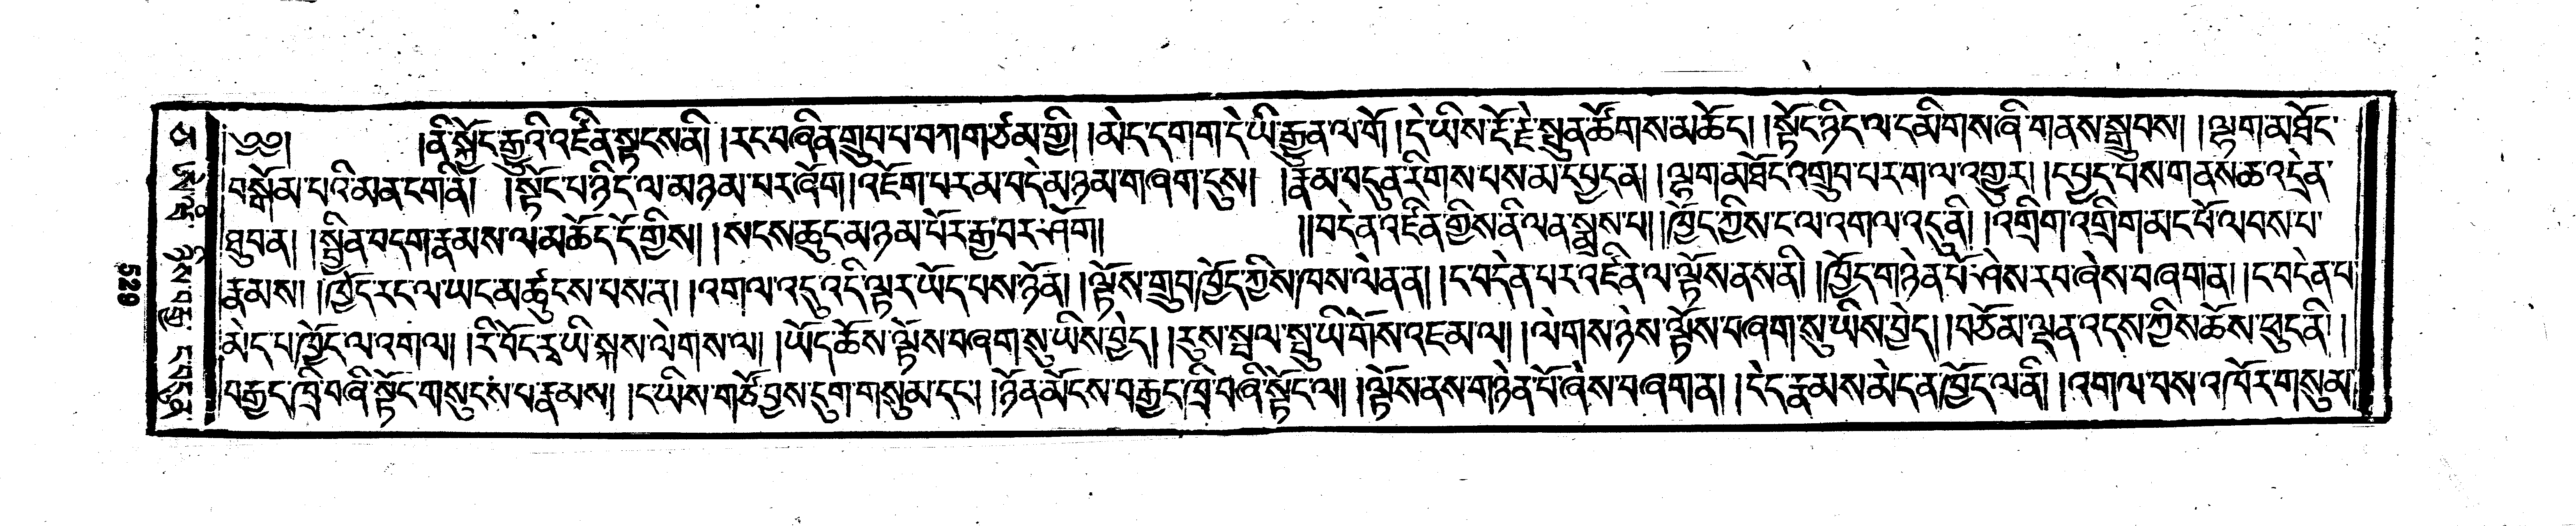༄༅། །ནི་སྐྱོང་རྒྱུའི་འཛིན་སྟངས་ནི། །རང་བཞིན་གྲུབ་པ་བཀག་ཙམ་གྱི། །མེད་དགག་དེ་ཡི་རྒྱུན་ལ་གོ །དེ་ཡིས་རྡོ་རྗེས་སྤུན་ཚོགས་མཆོད། །སྟོང་ཉིད་ལ་དམིགས་ཞི་གནས་སྒྲུབས། །ལྟག་མཐོང་
བསྒོམ་པའི་མན་ངག་ནི། །སྟོང་པ་ཉིད་ལ་མཉམ་པར་ཞོག །འཇོག་པར་མ་བདེ་མཉམ་གཞན་དུས། །རྣམ་བདུན་རིགས་པ་མ་དཔྱོད་དང་། །ལྷག་མཐོང་འགྲུབ་པར་ག་ལ་འགྱུར། །དཔྱོད་པས་གནས་ཆ་འདྲེན་
ཐུབ་ན། །སྦྱིན་བདག་རྣམས་ལ་མཆོད་དོ་གྱིས། །སངས་ཆུང་མཉམ་པོར་རྒྱ་བར་ཤོག ། །།བདེན་འཛིན་གྱིས་ནི་ལན་སྨྲས་པ། །ཁྱོད་ཀྱིས་ང་ལ་འགལ་འདུ་ནི། །འགྲིག་འགྲིག་མང་པོ་ལབས་པ་
རྣམས། །ཁྱོད་རང་ལ་ཡང་མཚུངས་པས་ན། །འགལ་འདུ་འདི་ལྟར་ཡོད་པས་ཉོན། །ལྟོས་གྲུབ་ཁྱོད་ཀྱི་ཁས་ལེན་ན། །ང་བདེན་པར་འཛིན་ལ་ལྟོས་ནས་ནི། །ཁྱོད་གཉེན་པོ་ཤེས་རབ་ཞེས་བཞག་ན། །ང་བདེན་པ་
མེད་པ་ཁྱོད་ལ་འགལ། །རི་བོང་རྭ་ཡི་སྐས་ལེགས་ལ། །ཡོད་ཆོས་ལྟོས་བཞག་སུ་ཡིས་བྱེད། །རུས་སྦལ་སྤུ་ཡི་གོས་འཇམ་ལ། །ལེགས་ཉེས་ལྟོས་བཞག་སུ་ཡིས་བྱེད། །བཅོམ་ལྡན་འདས་ཀྱིས་ཆོས་ཕུང་ནི། །
བརྒྱད་ཁྲི་བཞི་སྟོང་གསུངས་པ་རྣམས། །ང་ཡིས་གཙོ་བྱས་དུག་གསུམ་དང་། །ཉོན་མོངས་བརྒྱད་ཀྱི་བཞི་སྟོང་ལ། །ལྟོས་ནས་གཉེན་པོ་ཞེས་བཞག་ན། །ངེད་རྣམས་མེད་ན་ཁྱོད་ལ་ནི། །འགལ་བས་འགོར་གསུམ་